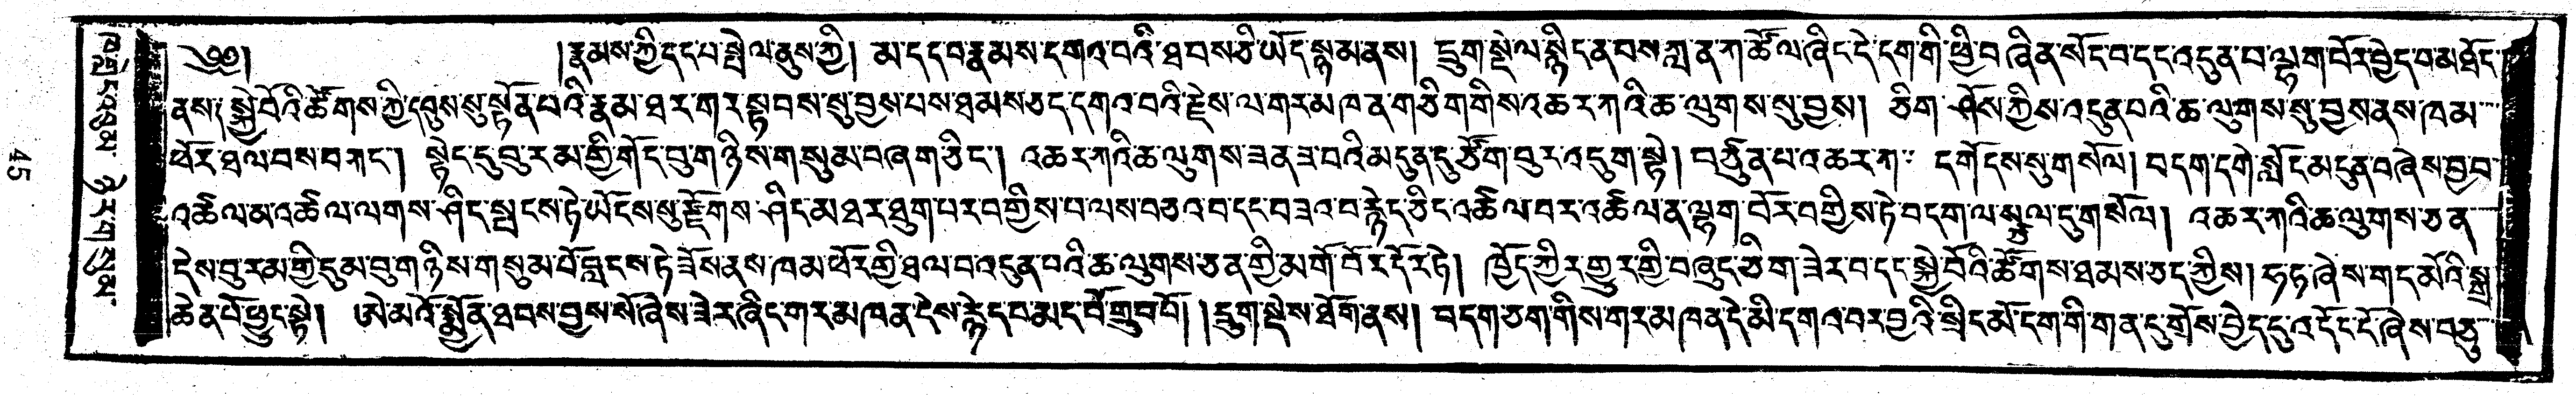༄༅། །རྣམས་ཀྱི་དད་པ་སྤེལ་ནུས་ཀྱི། མ་དད་བ་རྣམས་དགའ་བའི་ཐབས་ཅི་ཡོད་སྙམ་ནས། དྲུག་སྡེ་ལ་སྙིང་ན་བས་ཀླ་ན་ཀ་ཚོལ་ཞིང་དེ་དག་གི་ཕྱི་བཞིན་སོང་བ་དང་འདུན་པ་ལྷག་པོར་བྱེད་པ་མཐོང་
ནས༑ སྐྱེ་བོའི་ཚོགས་ཀྱི་དབུས་སུ་སྟོན་པའི་རྣམ་ཐར་གར་སྟབས་སུ་བྱས་པས་ཐམས་ཅད་དགའ་བའི་རྗེས་ལ་གར་མཁན་གཅིག་གིས་འཆར་ཀའི་ཆ་ལུགས་སུ་བྱས། ཅིག་ཤོས་ཀྱིས་འདུན་པའི་ཆ་ལུགས་སུ་བྱས་ནས་ཁམ་
ཕོར་ཐལ་བས་བཀང་། སྟེང་དུ་བུ་རམ་གྱི་གོང་བུ་གཉིས་གསུམ་བཞག་ཅིང་། འཆར་ཀའི་ཆ་ལུགས་ཟན་ཟ་བའི་མདུན་དུ་ཙོག་བུར་འདུག་སྟེ། བཙུན་པ་འཆར་ཀ༑ དགོངས་སུ་གསོལ། བདག་དགེ་སློང་མདུན་བཞེས་བྱ་བ་
འཚལ་མ་འཚལ་ལགས་ཤིང་སྤངས་ཏེ་ཡོངས་སུ་རྫོགས་ཤིང་མཐར་ཐུག་པར་བགྱིས་པ་ལས་བཅའ་བ་དང་བཟའ་བརྙེད་ཅིང་འཚལ་བར་འཚལ་ན་ལྷག་བོར་བགྱིས་ཏེ་བདག་ལ་སྩལ་དུ་གསོལ། འཆར་ཀའི་ཆ་ལུགས་ཅན་
དེས་བུ་རམ་གྱི་དུམ་བུ་གཉིས་གསུམ་པོ་བླངས་ཏེ་ཟོས་ནས་ཁམ་ཕོར་གྱི་ཐལ་བ་འདུན་པའི་ཆ་ལུགས་ཅན་གྱི་མགོ་བོར་དོར་ཏེ། ཁྱོད་ཀྱིར་གྱུར་གྱི་བཞུད་ཅིག་ཟེར་བ་དང་སྐྱེ་བོའི་ཚོགས་ཐམས་ཅད་ཀྱིས། ཧ་ཧ་ཞེས་གད་མོའི་སྒྲ་
ཆེན་པོ་ཕྱུང་སྟེ། ཨེ་མའོ་སྨྱོན་ཐབས་བྱས་སོ་ཞེས་ཟེར་ཞིང་གར་མཁན་དེས་རྙེད་བ་མང་པོ་གྲུབ་བོ། །དྲུག་སྡེས་ཐོག་ནས། བདག་ཅག་གིས་གར་མཁན་དེ་མི་དགའ་བར་བྱའི་སྲིང་མོ་དག་གི་གན་དུ་གྲོས་བྱེད་དུ་འདོང་ངོ་ཞེས་བཅུ་